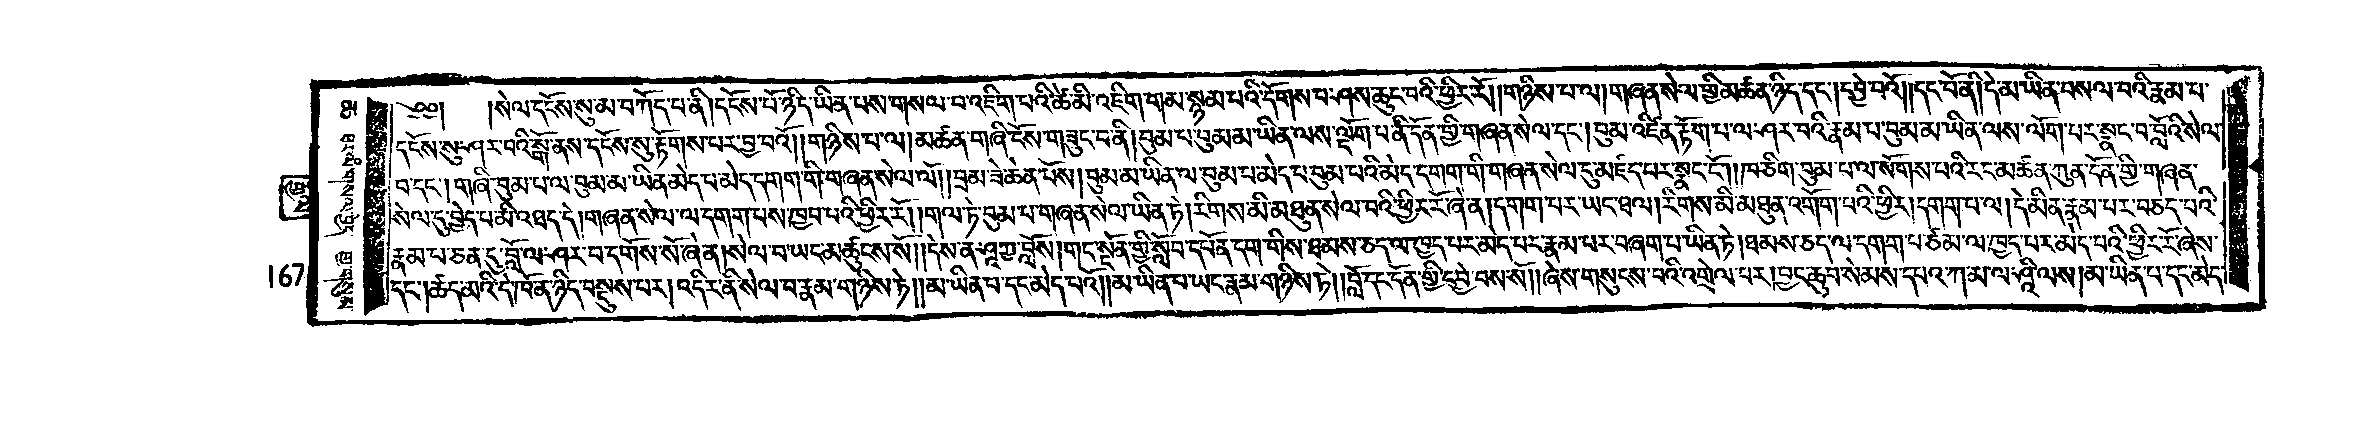༄༅། །སེལ་དངོས་སུ་མ་བཀོད་པ་ནི། དངོས་པོ་ཉིད་ཡིན་པས་གསལ་བ་འཇིག་པའི་ཚེ་མི་འཇིག་གམ་སྙམ་པའི་དོགས་པ་ཤས་ཆུང་བའི་ཕྱིར་རོ། །གཉིས་པ་ལ། གཞན་སེལ་གྱི་མཚན་ཉིད་དང་། དབྱེ་བའོ། །དང་པོ་ནི། དེ་མ་ཡིན་བསལ་བའི་རྣམ་པ་
དངོས་སུ་ཤར་བའི་སྒོ་ནས་དངོས་སུ་རྟོགས་པར་བྱ་བའོ། །གཉིས་པ་ལ། མཚན་གཞི་ངོས་གཟུང་བ་ནི། བུམ་པ་བུམ་མ་ཡིན་ལས་ལྡོག་པ་ནི་དོན་གྱི་གཞན་སེལ་དང་། བུམ་འཛིན་རྟོག་པ་ལ་ཤར་བའི་རྣམ་པ་བུམ་མ་ཡིན་ལས་ལོག་པར་སྣང་བ་བློའི་སེལ་
བ་དང་། གཞི་བུམ་པ་ལ་བུམ་མ་ཡིན་མེད་པ་མེད་དགག་གི་གཞན་སེལ་ལོ། །བྲམ་ཟེ་ཆེན་པོས། བུམ་མ་ཡིན་ལ་བུམ་པ་མེད་པ་བུམ་པའི་མེད་དགག་གི་གཞན་སེལ་དུ་མཛད་པར་སྣང་ངོ། །ཁ་ཅིག་བུམ་པ་ལ་སོགས་པའི་རང་མཚན་ཀུན་དོན་གྱི་གཞན་
སེལ་དུ་བྱེད་པ་མི་འཐད་དེ། གཞན་སེལ་ལ་དགག་པས་ཁྱབ་པའི་ཕྱིར་རོ། །གལ་ཏེ་བུམ་པ་གཞན་སེལ་ཡིན་ཏེ། རིགས་མི་མཐུན་སེལ་བའི་ཕྱིར་རོ་ཞེ་ན། དགག་པར་ཡང་ཐལ། རིགས་མི་མཐུན་འགོག་པའི་ཕྱིར། དགག་པ་ལ། དེ་མིན་རྣམ་པར་བཅད་པའི་
རྣམ་པ་ཅན་དུ་བློ་ལ་ཤར་བ་དགོས་སོ་ཞེ་ན། སེལ་བ་ཡང་མཚུངས་སོ། །དེས་ན་{ཤཱཀྱ}་བློས། གང་སྔོན་གྱི་སློབ་དཔོན་དག་གིས་ཐམས་ཅད་ལ་ཁྱད་པར་མེད་པར་རྣམ་པར་བཞག་པ་ཡིན་ཏེ། ཐམས་ཅད་ལ་དགག་པ་ཙམ་ལ་ཁྱད་པར་མེད་པའི་ཕྱིར་རོ་ཞེས་
དང་། ཚད་མའི་དེ་ཁོ་ན་ཉིད་བསྡུས་པར། འདིར་ནི་སེལ་བ་རྣམ་གཉིས་ཏེ། །མ་ཡིན་པ་དང་མེད་པའོ། །མ་ཡིན་པ་ཡང་རྣམ་གཉིས་ཏེ། །བློ་དང་དོན་གྱི་དབྱེ་བས་སོ། །ཞེས་གསུངས་པའི་འགྲེལ་པར། བྱང་ཆུབ་སེམས་དཔའ་ཀ་མ་ལ་ཤཱི་ལས། མ་ཡིན་པ་དང་མེད་